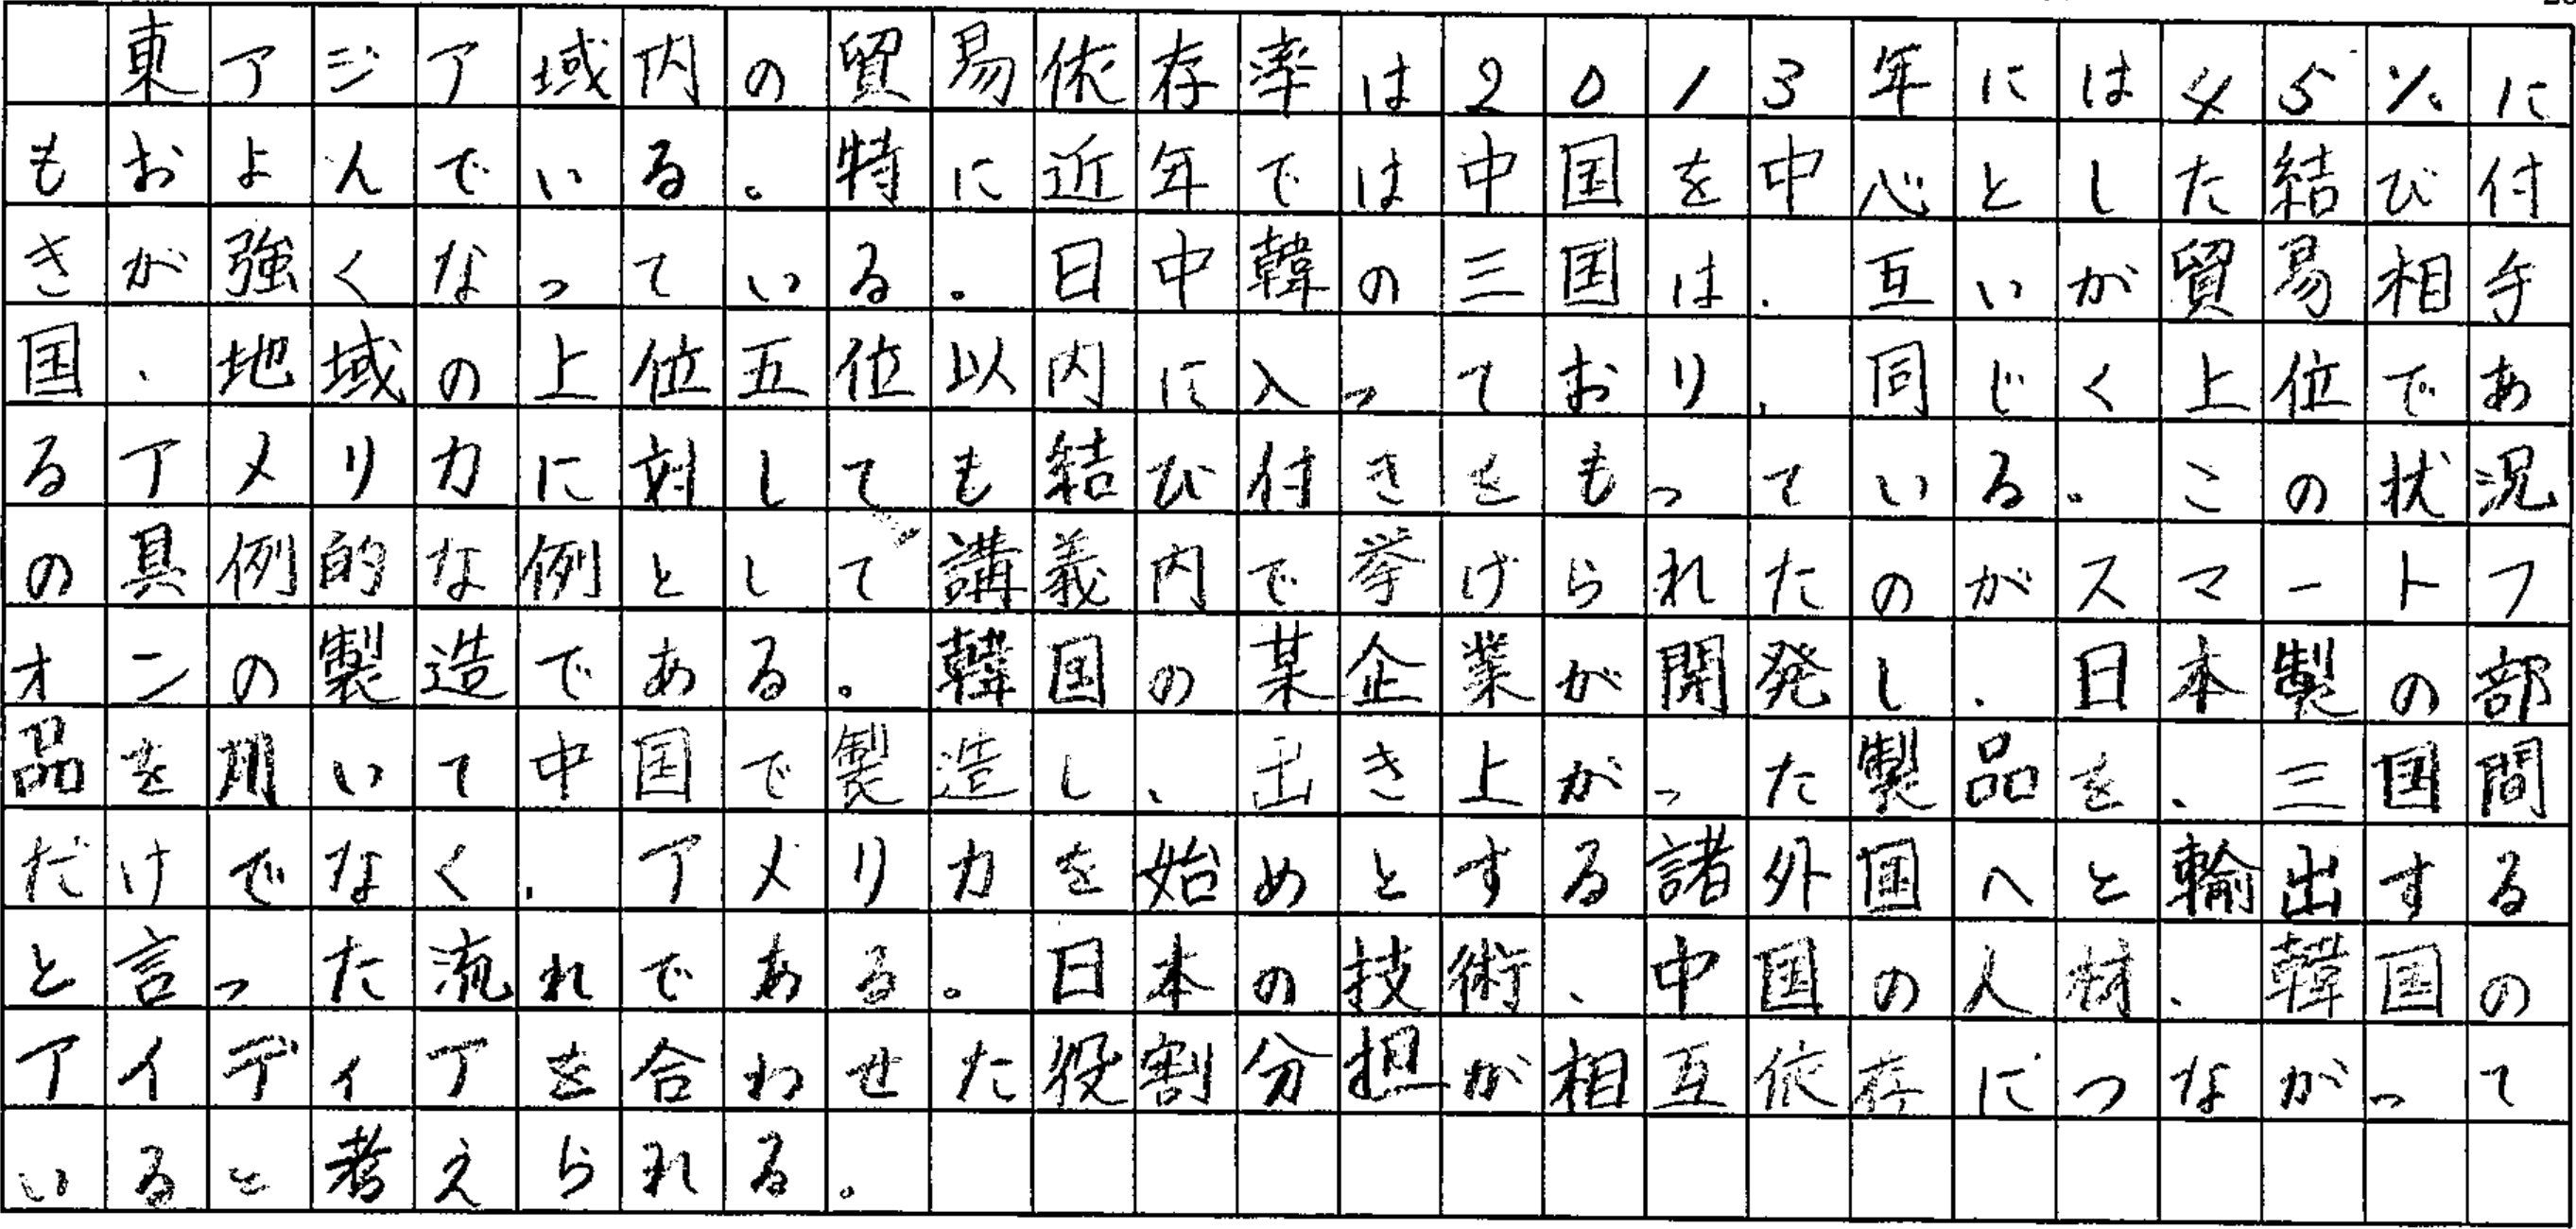　東アジア域内の貿易依存率は２０１３年には４５％にもおよんでいる。特に近年では中国を中心とした結び付きが強くなっている。日中韓の三国は、互いが貿易相手国、地域の上位五位以内に入っており、同じく上位であるアメリカに対しても結び付きをもっている。この状況の具例的な例として講義内で挙げられたのがスマートフォンの製造である。韓国の某企業が開発し、日本製の部品を用いて中国で製造し、出き上がった製品を、三国間だけでなく、アメリカを始めとする諸外国へと輸出すると言った流れである。日本の技術、中国の人材、韓国のアイディアを合わせた役割分担が相互依存につながっていると考えられる。
